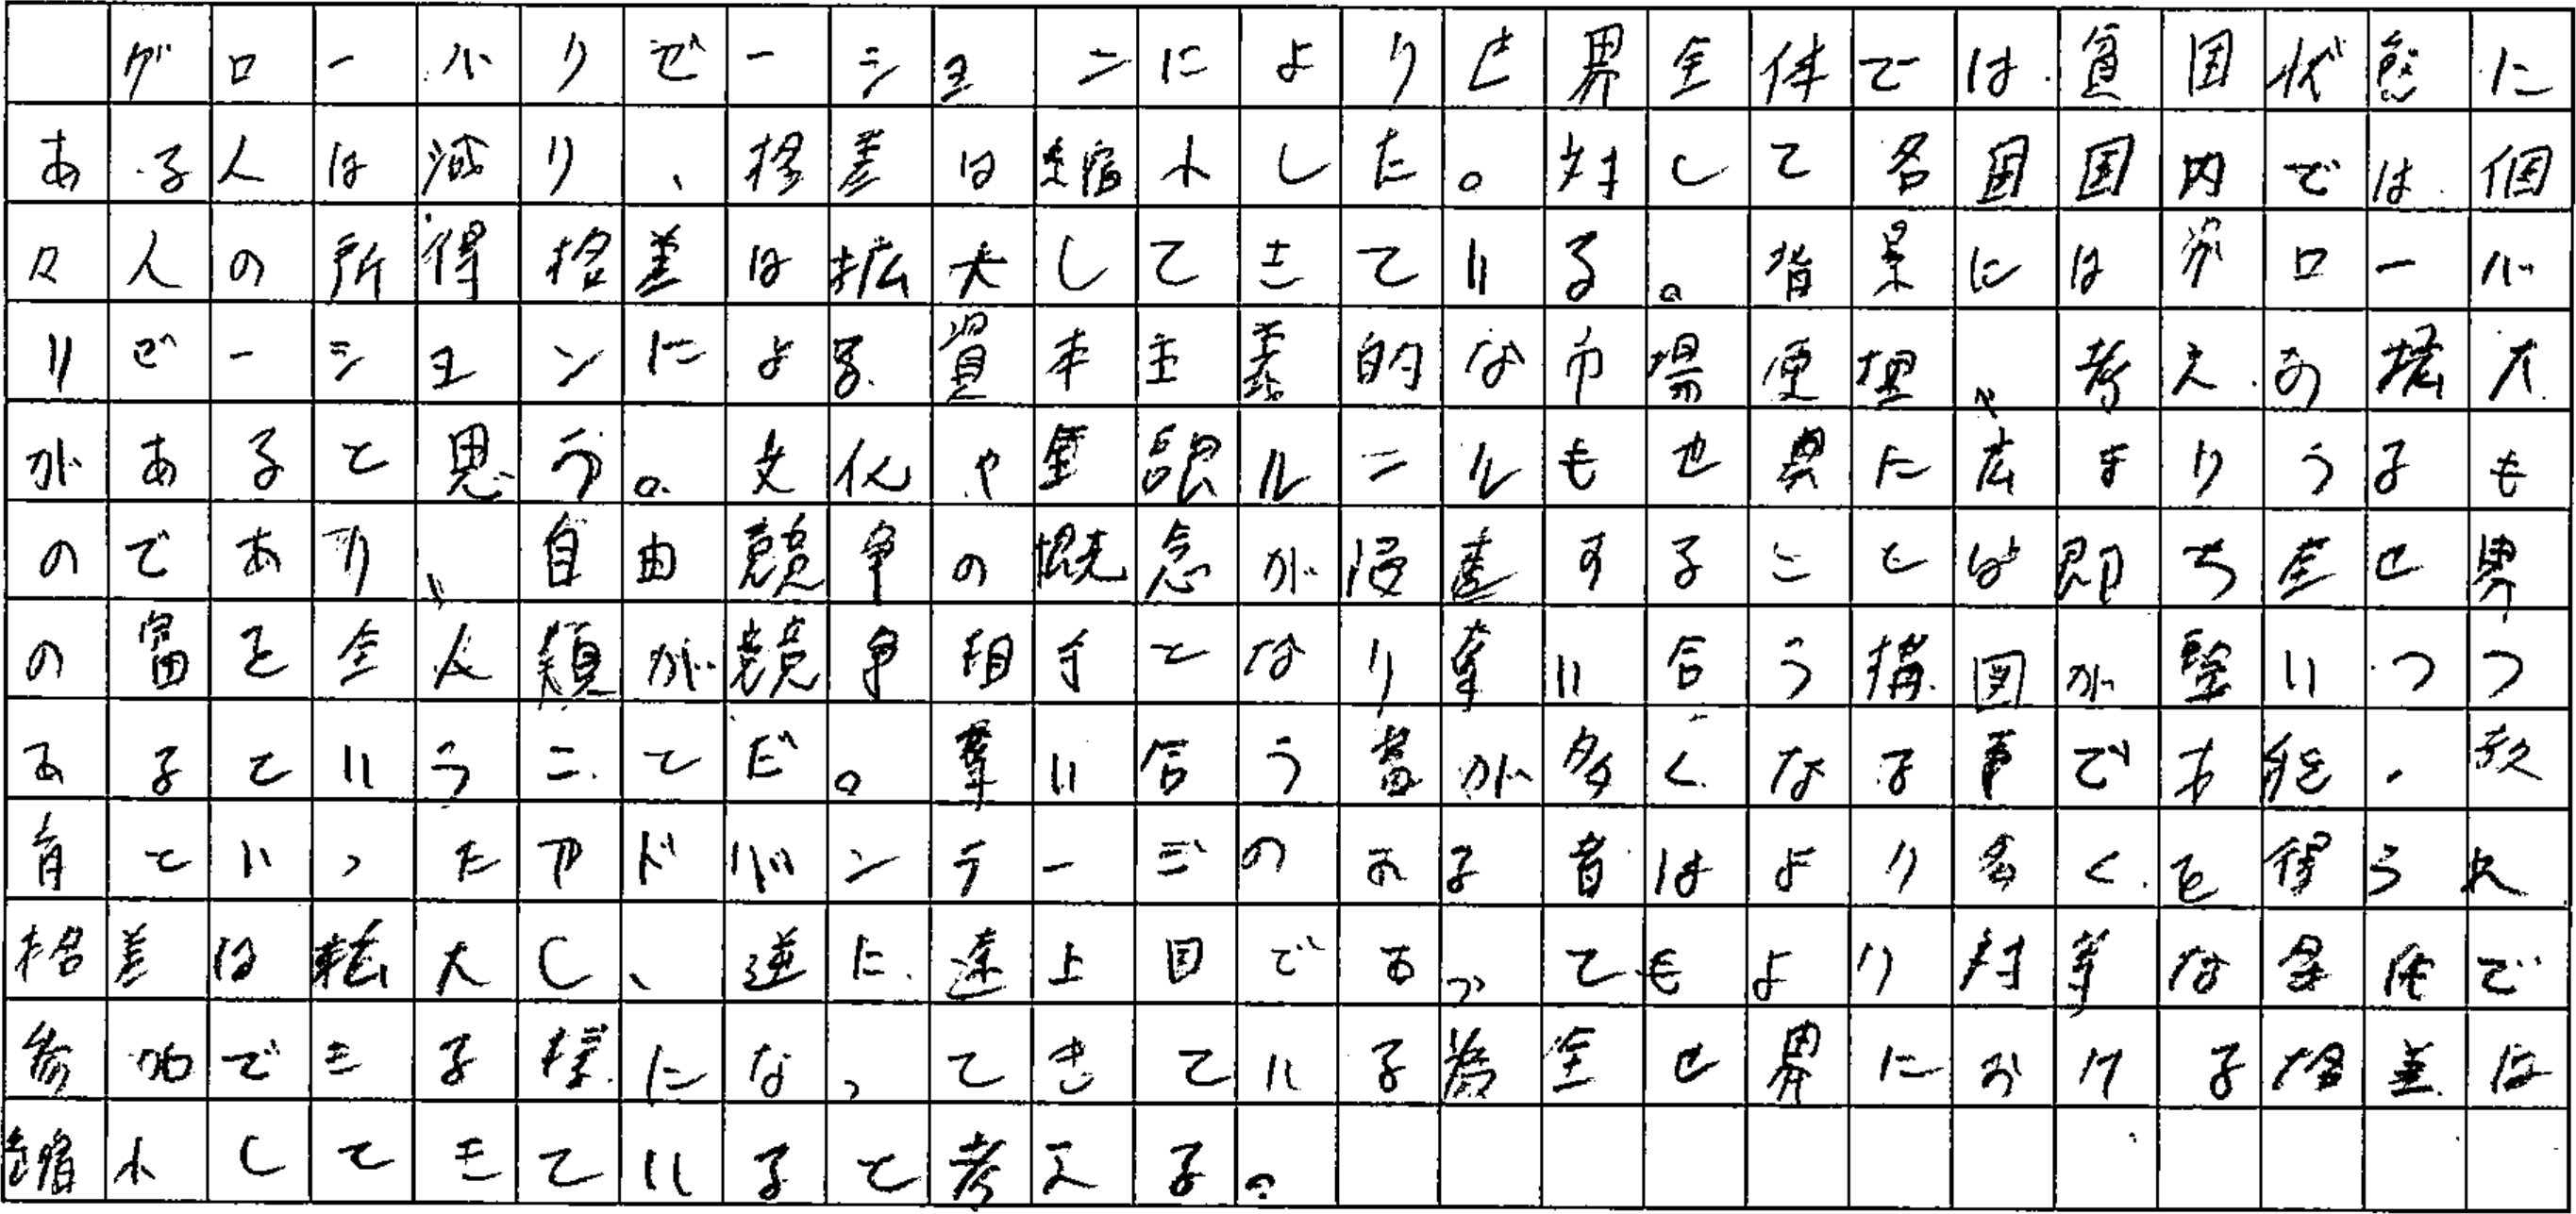　グローバリゼーションにより世界全体では貧困状態にある人は▁り、格差は縮小した。対して各国国内では個々人の所得格差は拡大してきている。背景にはグローバリゼーションによる資本主義的な市場原理、考えの拡大があると思う。文化や金▁ルールも世界に広まりうるものであり、自由競争の概念が侵透することは即ち全世界の富を全人類が競争相手となり奪い合う構図が整いつつあるということだ。奪い合う富が多くなる事で才能・教育といったアドバンテージのある者はより多くを得られ格差は拡大し、逆に途上国であってもより対等な条件で参加できる様になってきている為全世界における格差は縮小してきていると考える。
